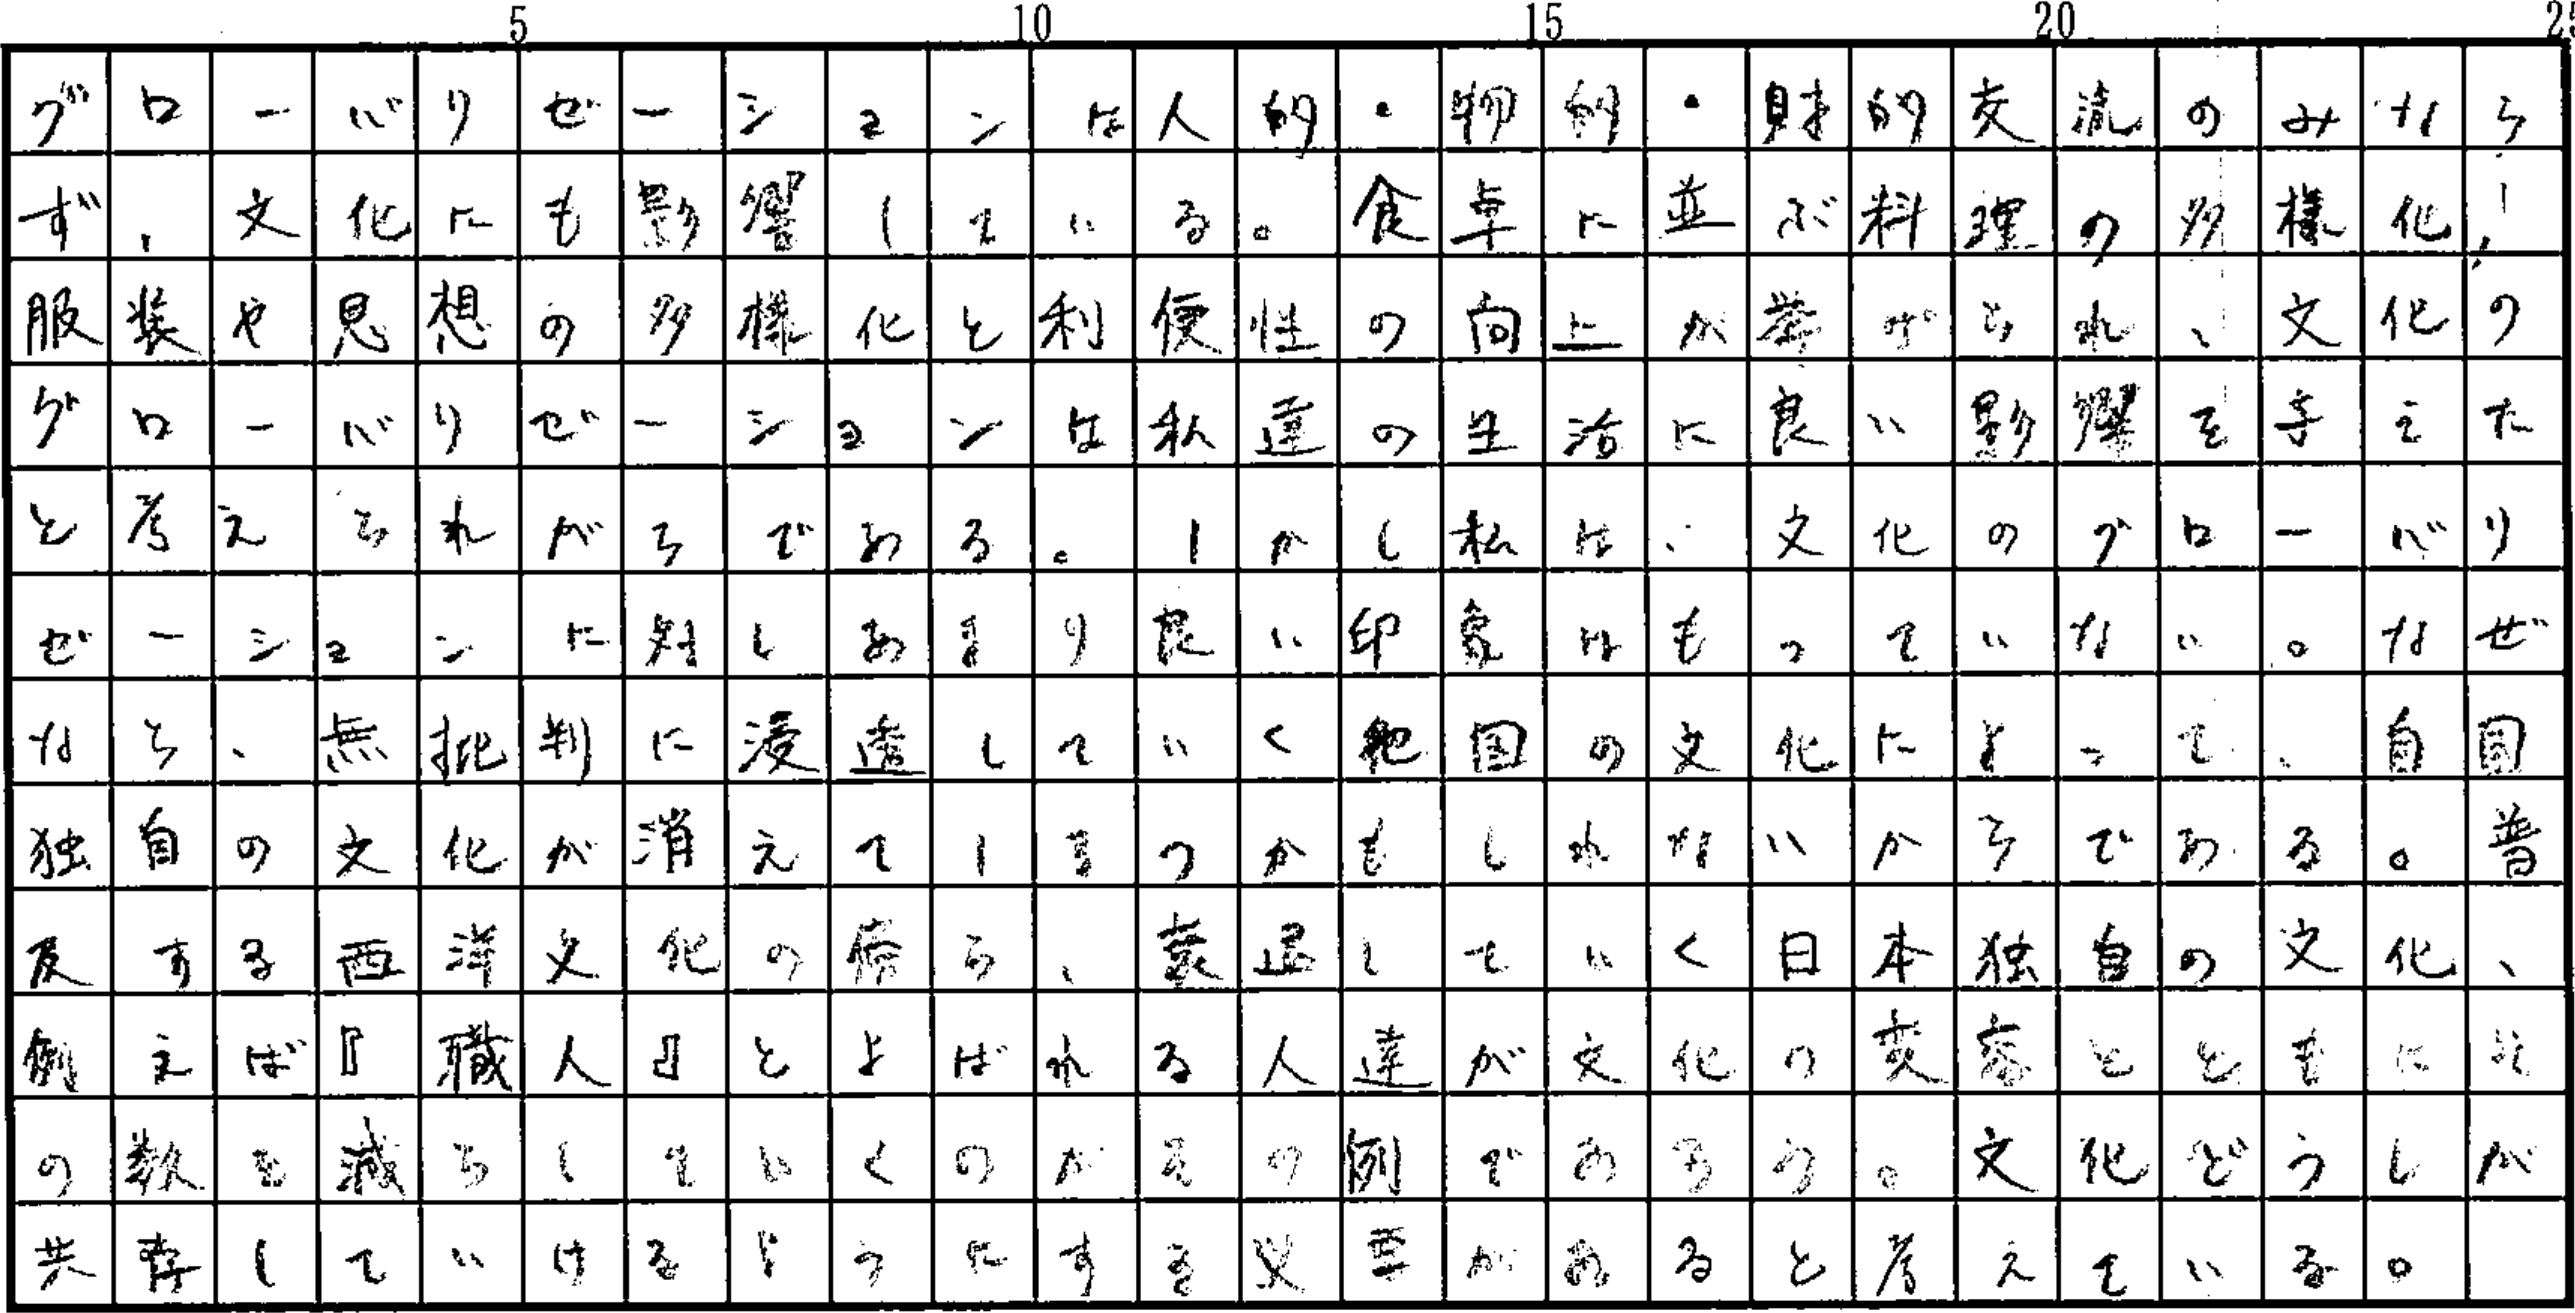グローバリゼーションは人的・物的・財的交流のみならず、文化にも影響している。食卓に並ぶ料理の多様化、服装や思想の多様化と利便性の向上が挙げられ、文化のグローバリゼーションは私達の生活に良い影響を与えたと考えられがちである。しかし私は、文化のグローバリゼーションに対しあまり良い印象はもっていない。なぜなら、無批判に浸透していく他国の文化によって、自国独自の文化が消えてしまうかもしれないからである。普及する西洋文化の傍ら、衰退していく日本独自の文化、例えば『職人』とよばれる人達が文化の変容とともにその数を減らしていくのがその例であろう。文化どうしが共存していけるようにする必要があると考えている。
